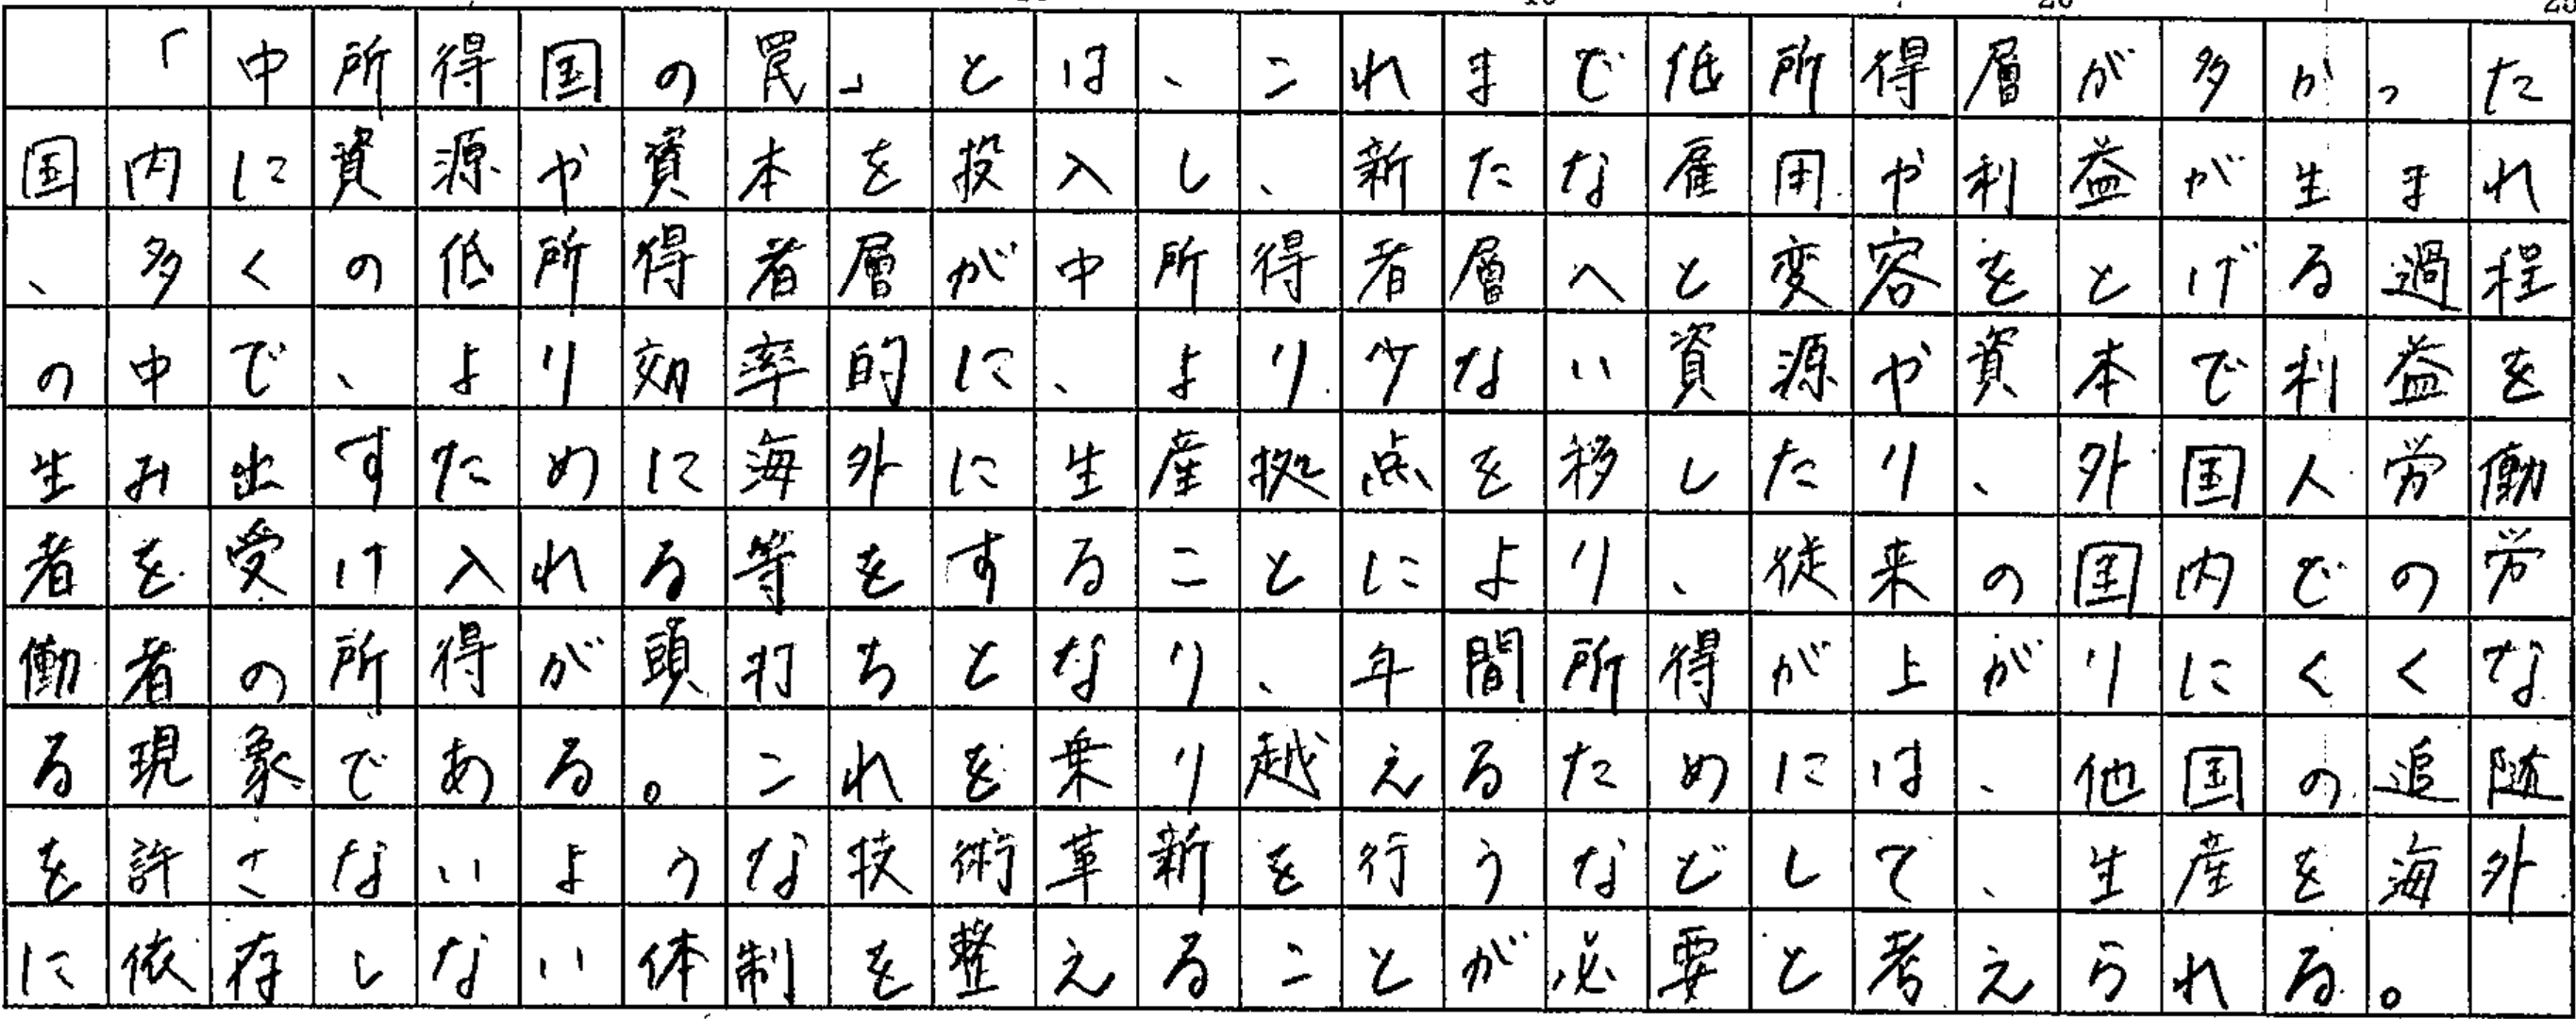　「中所得国の罠」とは、これまで低所得層が多かった国内に資源や資本を投入し、新たな雇用や利益が生まれ、多くの低所得者層が中所得者層へと変容をとげる過程の中で、より効率的に、より少ない資源や資本で利益を生み出すために海外に生産拠点を移したり、外国人労働者を受け入れる等をすることにより、従来の国内での労働者の所得が頭打ちとなり、年間所得が上がりにくくなる現象である。これを乗り越えるためには、他国の追随を許さないような技術革新を行うなどして、生産を海外に依存しない体制を整えることが必要と考えられる。
